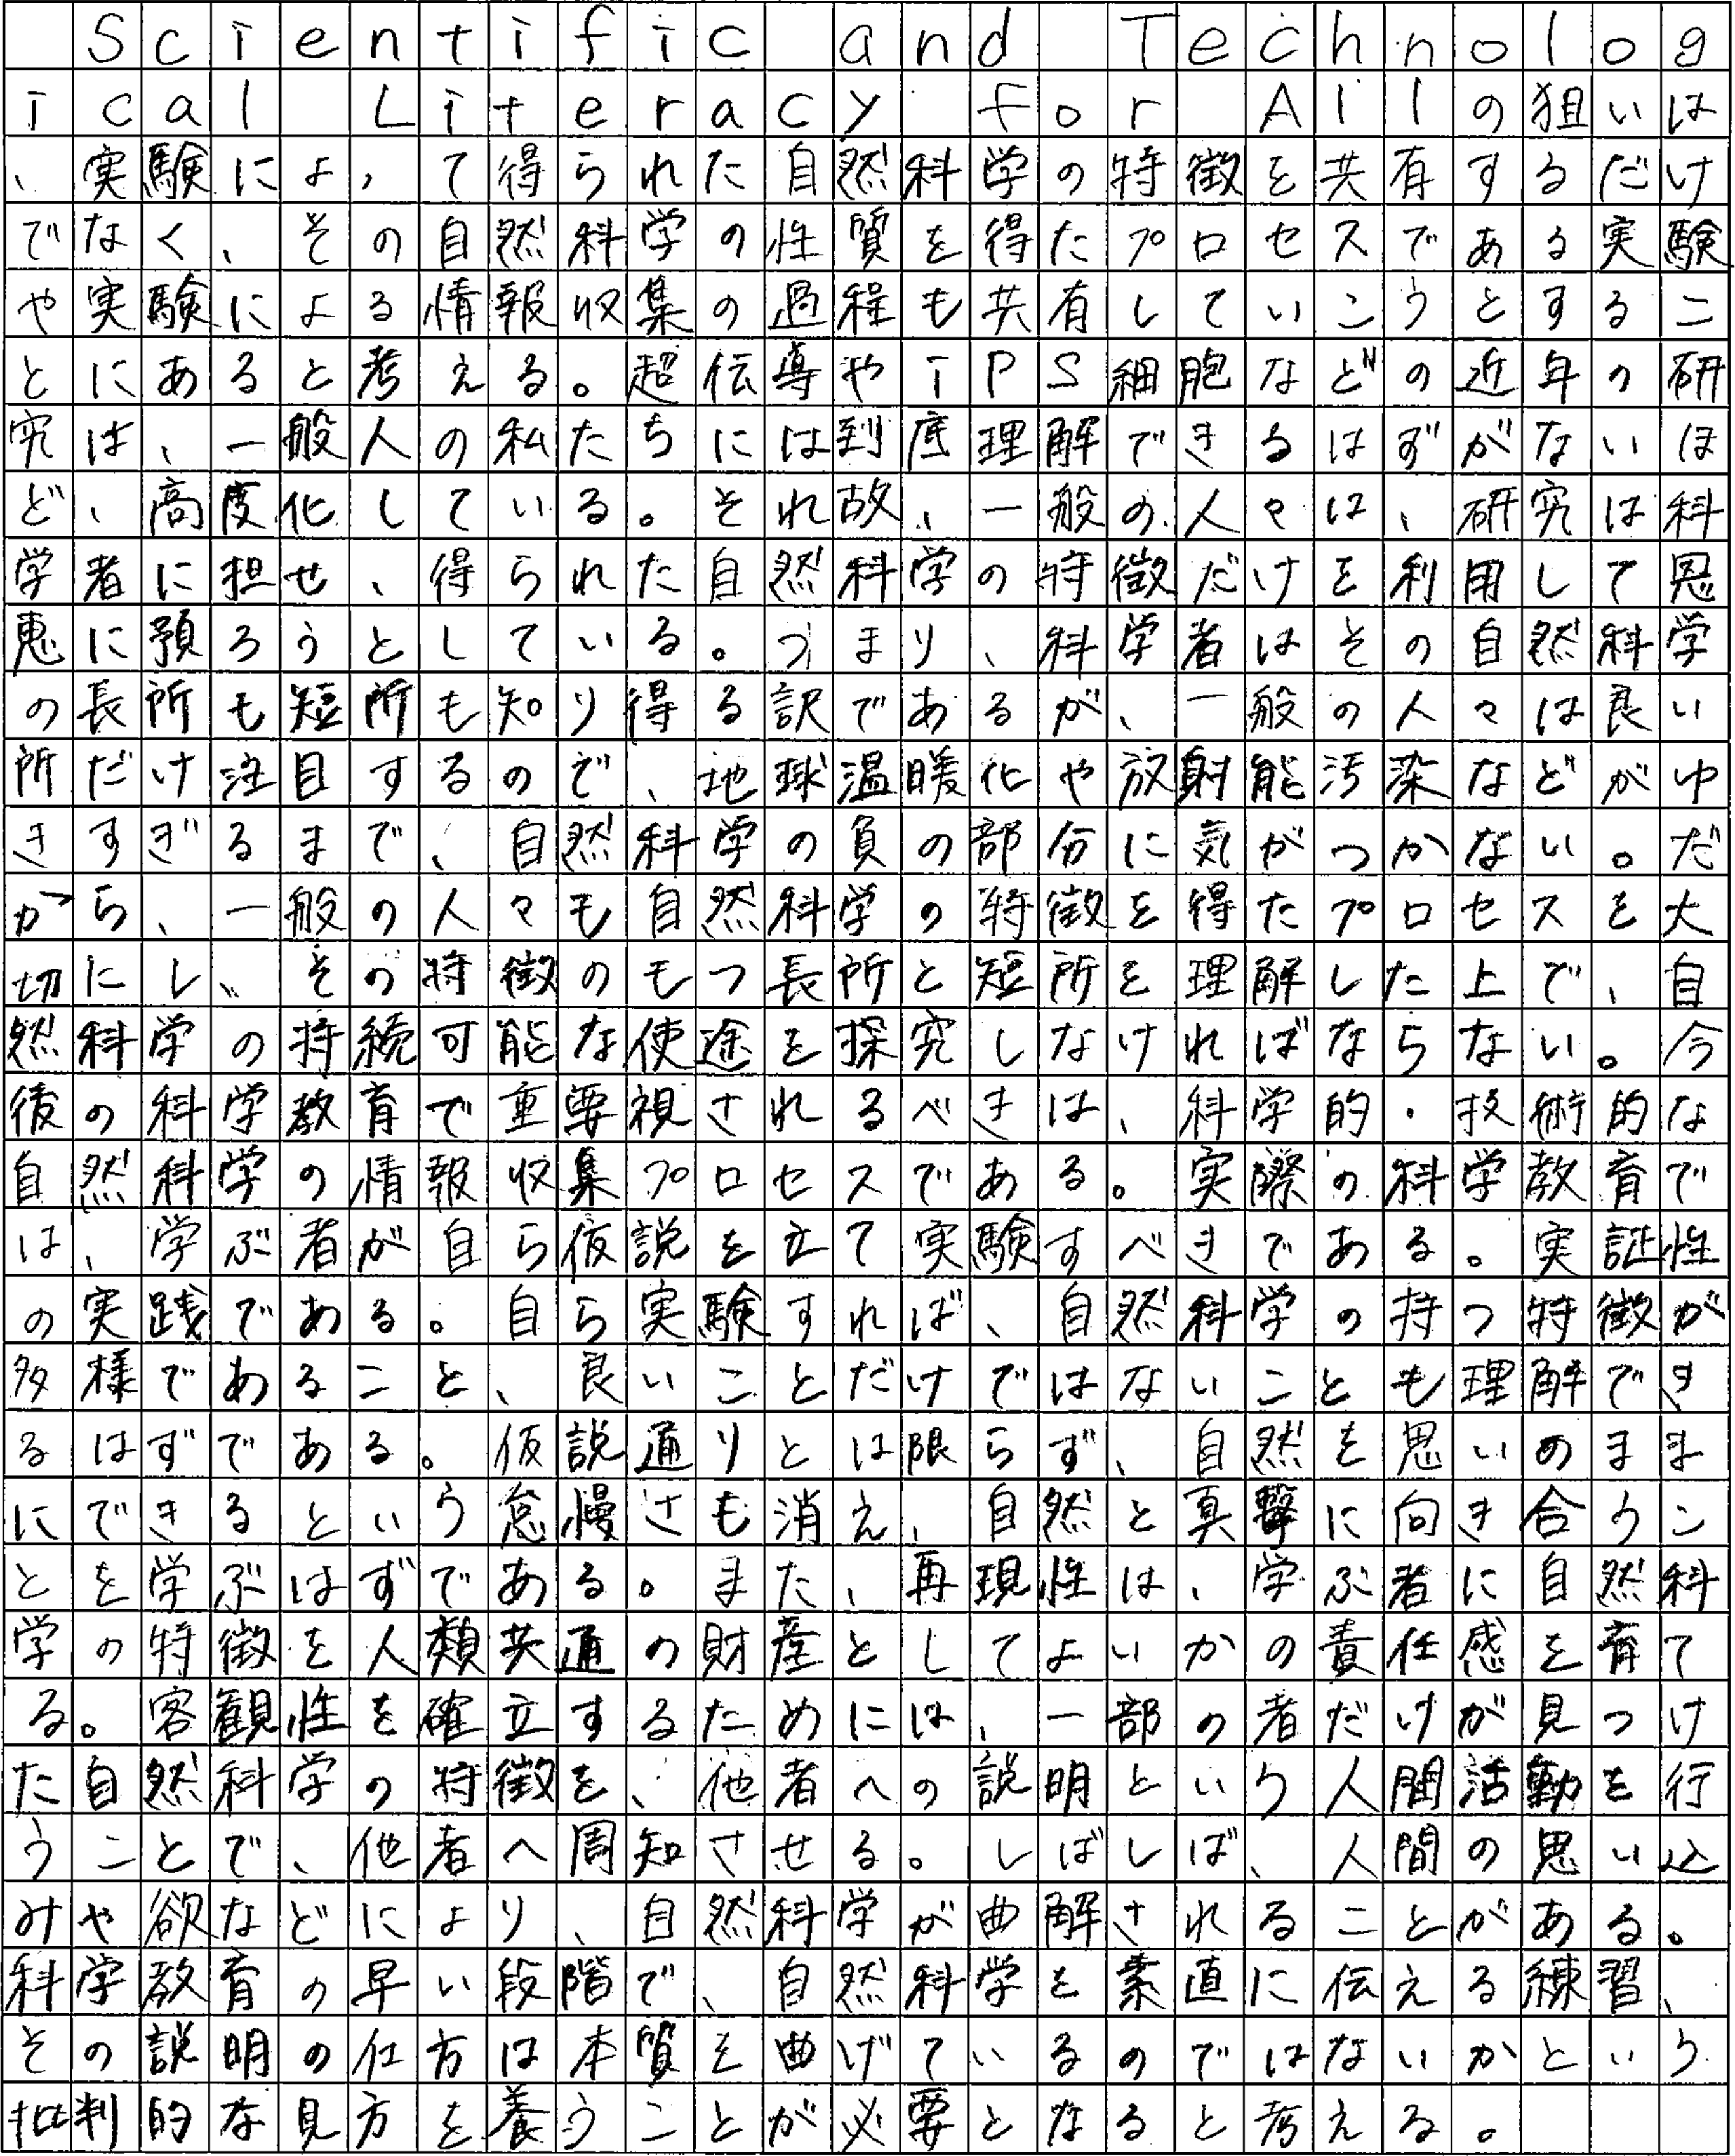　Ｓｃｉｅｎｔｉｆｉｃ　ａｎｄ　Ｔｅｃｈｎｏｌｏｇｉｃａｌ　Ｌｉｔｅｒａｃｙ　ｆｏｒ　Ａｌｌの狙いは、実験によって得られた自然科学の特徴を共有するだけでなく、その自然科学の性質を得たプロセスである実験や実験による情報収集の過程も共有していこうとすることにあると考える。超伝導やｉｐｓ細胞などの近年の研究は、一般人の私たちには到底理解できるはずがないほど、高度化している。それ故、一般の人々は、研究は科学者に担せ、得られた自然科学の特徴だけを利用して恩恵に預ろうとしている。つまり、科学者はその自然科学の長所も短所も知り得る訳であるが、一般の人々は良い所だけ注目するので、地球温暖化や放射能汚染などがゆきすぎるまで、自然科学の負の部分に気がつかない。だから、一般の人々も自然科学の特徴を得たプロセスを大切にし、その特徴のもつ長所と短所を理解した上で、自然科学の持続可能な使途を探究しなければならない。今後の科学教育で重要視されるべきは、科学的・技術的な自然科学の情報収集プロセスである。実際の科学教育では、学ぶ者が自ら仮説を立て実験すべきである。実証性の実践である。自ら実験すれば、自然科学の持つ特徴が多様であること、良いことだけではないことも理解できるはずである。仮説通りとは限らず、自然を思いのままにできるという怠慢さも消え、自然と真撃に向き合うことを学ぶはずである。また、再現性は、学ぶ者に自然科学の特徴を人類共通の財産としてよいかの責任感を育てる。客観性を確立するためには、一部の者だけが見つけた自然科学の特徴を、他者への説明という人間活動を行うことで、他者へ周知させる。しばしば、人間の思い込みや欲などにより、自然科学が曲解されることがある。科学教育の早い段階で、自然科学を素直に伝える練習、その説明の仕方は本質を曲げているのではないかという批判的な見方を養うことが必要となると考える。
